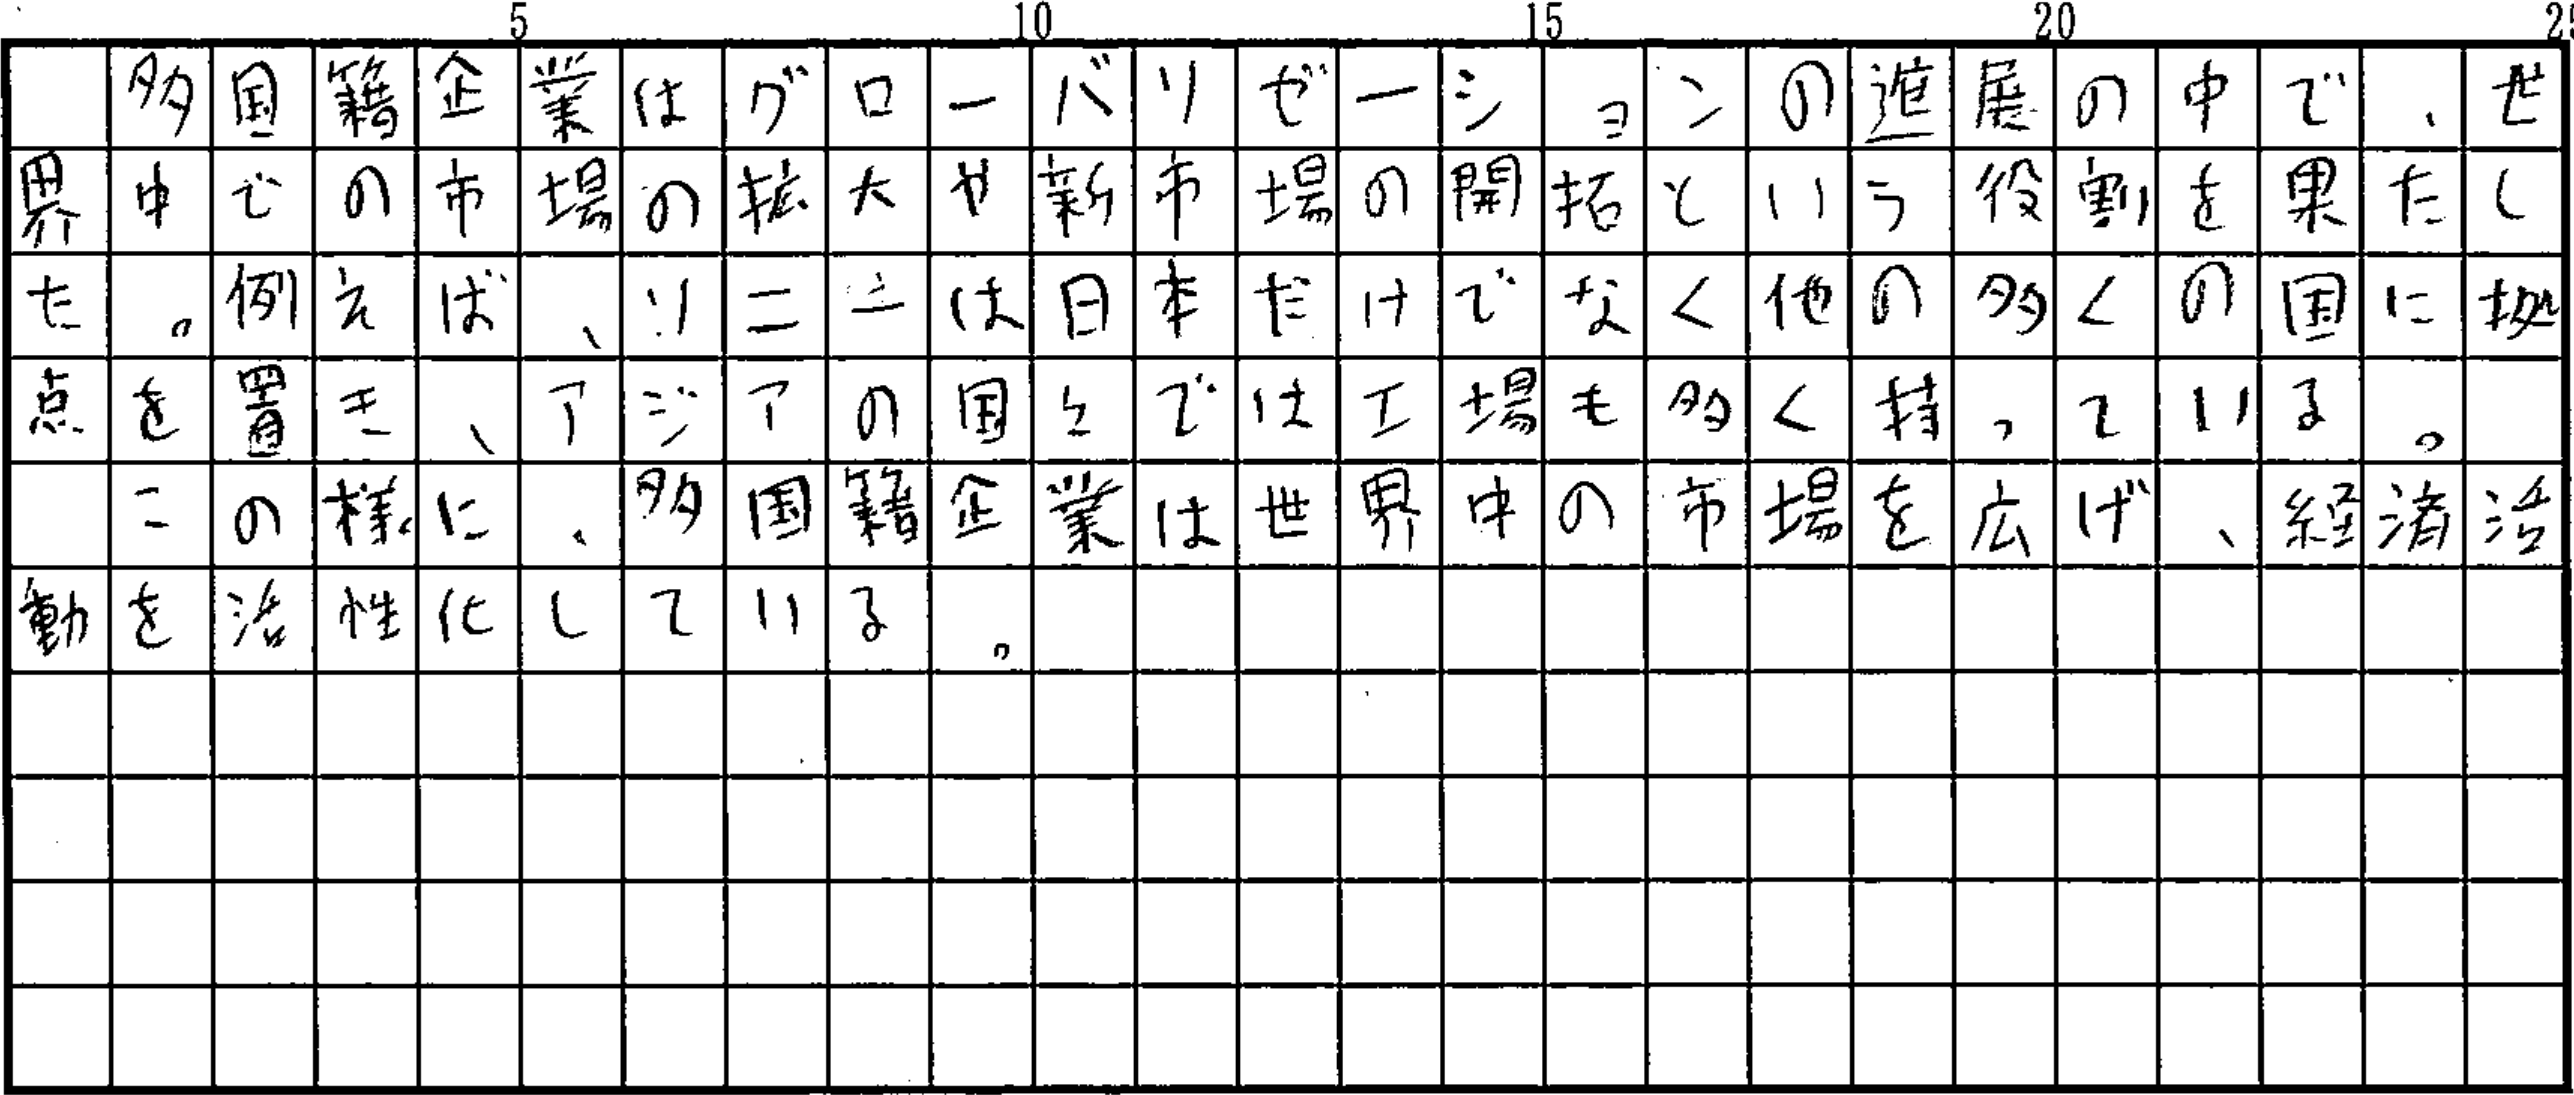 多国籍企業はグローバリゼーションの進展の中で、世界中での市場の拡大や新市場の開拓という役割を果たした。例えば、ソニーは日本だけでなく他の多くの国に拠点を置き、アジアの国々では工場も多く持っている。
　この様に、多国籍企業は世界中の市場を広げ、経済活動を活性化している。
